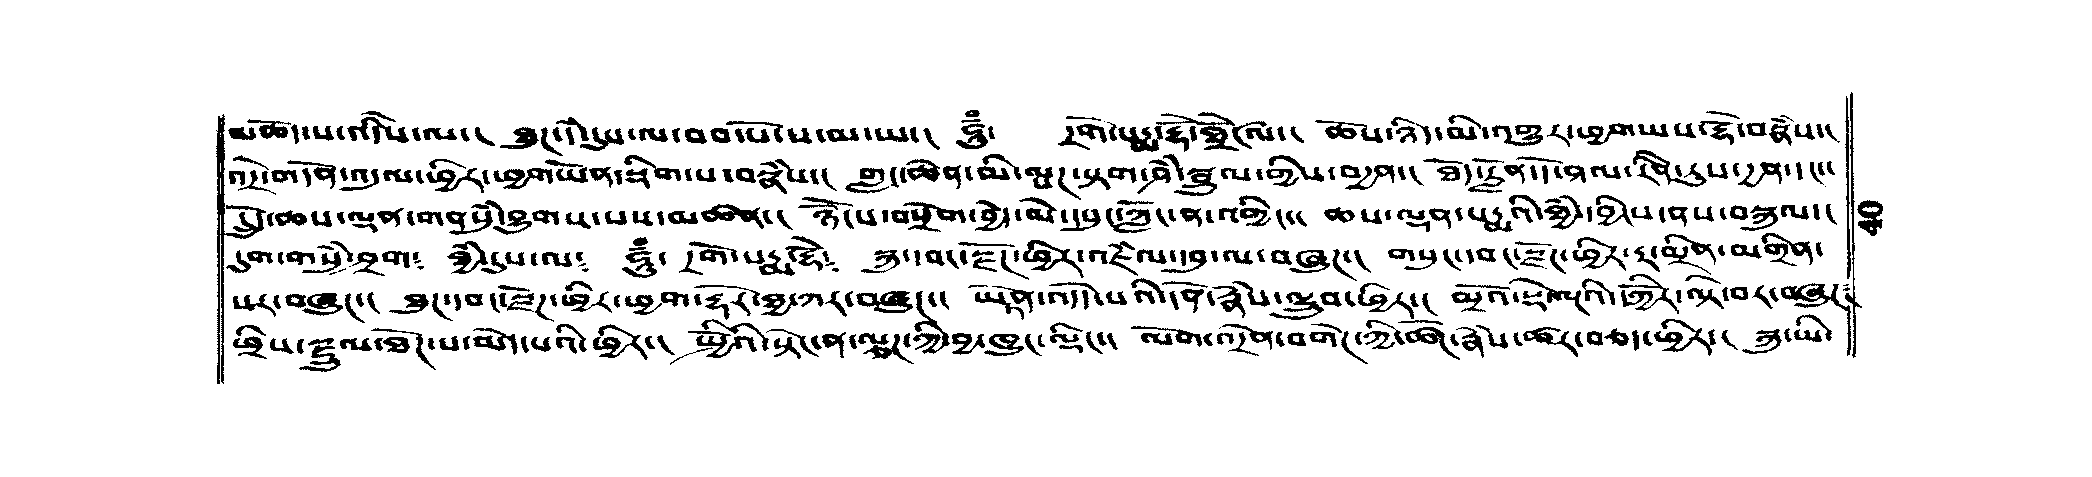མཆོད་པ་འདི་བཞེས་ལ། །ཐུགས་དམ་དུས་ལ་བབ་པོ་ས་མ་ཡ། ། ཧཱུྃ། དྲག་པོ་པདྨ་ཐོད་ཕྲེང་རྩལ། །ཆོས་ཉིད་མི་འགྱུར་ཕྱག་གཡས་རྡོ་རྗེ་བསྣམས། །
འདྲེ་གདོན་འདུལ་ཕྱིར་ཕྱག་གཡོན་སྡིག་པ་བསྣམས། །གླང་ཆེན་མི་ལྤགས་སྟག་ཤམ་སྦྲུལ་གྱིས་བརྒྱན། །ཐོད་རློན་དོ་ཤལ་རིན་ཆེན་རུས་རྒྱན་དང་། །
དུར་ཁྲོད་ཆས་ལྡན་གནས་གསུམ་བྱུགས་པས་མཚན། །ཉོན་མོངས་བསྲེག་བྱེད་མེ་དཔུང་ཀློང་ན་འགྱིང་། །ཆས་ལྡན་པདྨའི་ཐུགས་དམ་དབྱིངས་ནས་བསྐུལ། །
དུག་གསུམ་ཤ་ཁྲག་༴ཐུགས་དམ་དུས་ལ་༴ ཧཱུྃ། དྲག་པོ་པདྨ་རྡོ་རྗེ་༴ སྐུ་དབང་རྫོགས་ཕྱིར་འཇམ་དཔལ་དབུ་ལ་བཞུགས། །གསུང་དབང་རྫོགས་ཕྱིར་རྟ་མགྲིན་མགྲིན་
པར་བཞུགས། །ཐུགས་དབང་རྫོགས་ཕྱིར་ཕྱག་རྡོར་ཐུགས་ཀར་བཞུགས། །ཡོན་ཏན་འདོད་པའོ་དོན་རྣམས་ལྷུན་གྲུབ་ཕྱིར། །མཁའ་འགྲོ་སྡེ་ལྔའི་དཀྱིལ་འཁོར་ལྟེ་བར་བཞུགས། །
ཕྲིན་ལས་རྫུ་འཕྲུལ་ཐོགས་པ་མེད་པའི་ཕྱིར། །སྤྱི་བོའི་སྟེང་ན་ལྕགས་ཀྱི་བྱ་ཁྱུང་ལྡིང་། ལོག་འདྲེན་བགེགས་ཀྱི་ཚོགས་རྣམས་ཚར་བཅད་ཕྱིར། །སྐུ་ཡི་